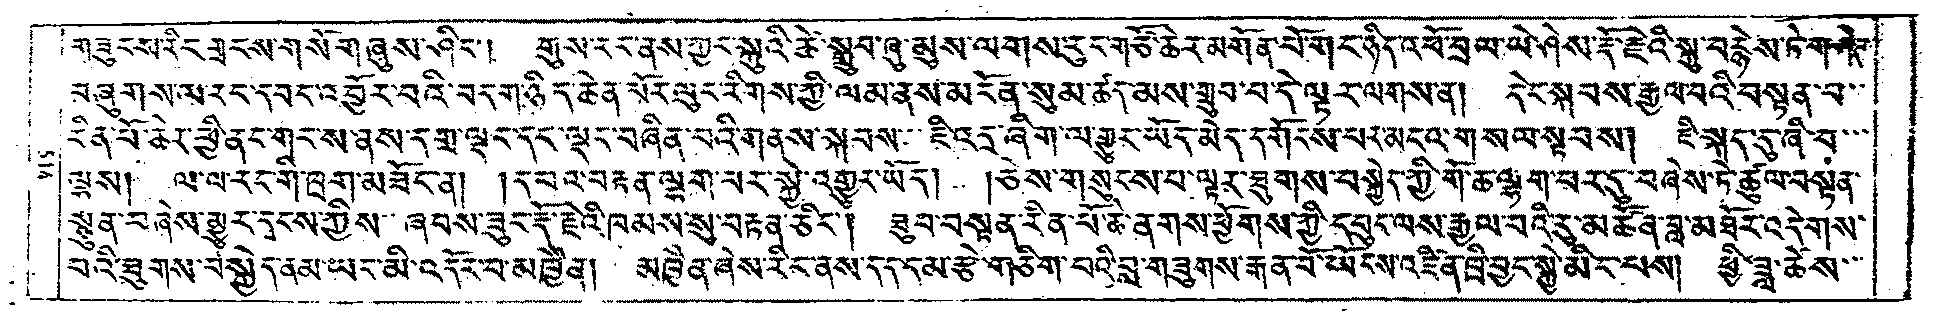གཟུངས་རིང་གྲངས་གསོག་ཞུས་ཤིང་། གུས་རང་ནས་ཀྱང་སྐུའི་ཚེ་སྒྲུབ་ཞུ་མུས་ལགས་རུང་གཙོ་ཆེར་མགོན་པོ་གང་ཉིད་འཕོ་བྲལ་ཡེ་ཤེས་རྡོ་རྗེའི་སྐུ་བརྙེས་ཏེ་གཤེགས་
བཞུགས་ལ་རང་དབང་འབྱོར་བའི་བདག་ཉིད་ཆེན་པོར་ལུང་རིགས་ཀྱི་ལམ་ནས་མངོན་སུམ་ཚད་མས་གྲུབ་པ་དེ་ལྟར་ལགས་ན། དེང་སྐབས་རྒྱལ་བའི་བསྟན་པ་
རིན་པོ་ཆེར་ཕྱི་ནང་གང་ས་ནས་དགྲ་ལྡང་དང་ལྡང་བཞིན་པའི་གནས་སྐབས་ཇི་འདྲ་ཞིག་ལ་གྱུར་ཡོད་མེད་དགོངས་པར་མངའ་གསལ་སྟབས། ཇི་སྐད་དུ་ཞི་བ་
ལྷས། ལ་ལ་རང་གི་ཁྲག་མཐོང་ན། །དཔའ་བརྟན་ལྷག་པར་སྐྱེ་འགྱུར་ཡོད། །ཅེས་གསུངས་པ་ལྟར་ཐུགས་བསྐྱེད་ཀྱི་གོ་ཆ་ལྷག་པར་དུ་བཞེས་ཏེ་ཚུལ་བསྟན་
སྙུན་བཞེས་མྱུར་དྲངས་ཀྱིས་ཞབས་ཟུང་རྡོ་རྗེའི་ཁམས་སུ་བརྟན་ཅིང་། ཐུབ་བསྟན་རིན་པོ་ཆེ་ནགས་ཕྱོགས་ཀྱི་དཔུང་ལས་རྒྱལ་བའི་རུ་མཚོན་བླ་མཐོར་འདེགས་
པའི་ཐུགས་བསྐྱེད་ནམ་ཡང་མི་འདོར་བ་མཁྱཻན། མཁྱཻན་ཞེས་རིང་ནས་དད་དམ་རྩེ་གཅིག་པའི་བླ་གཟུགས་རྒན་པོ་ཡོངས་འཛིན་ཁྲི་བྱང་སྐྱེ་མིང་པས། ཕྱི་ཟླ་ཚེས་